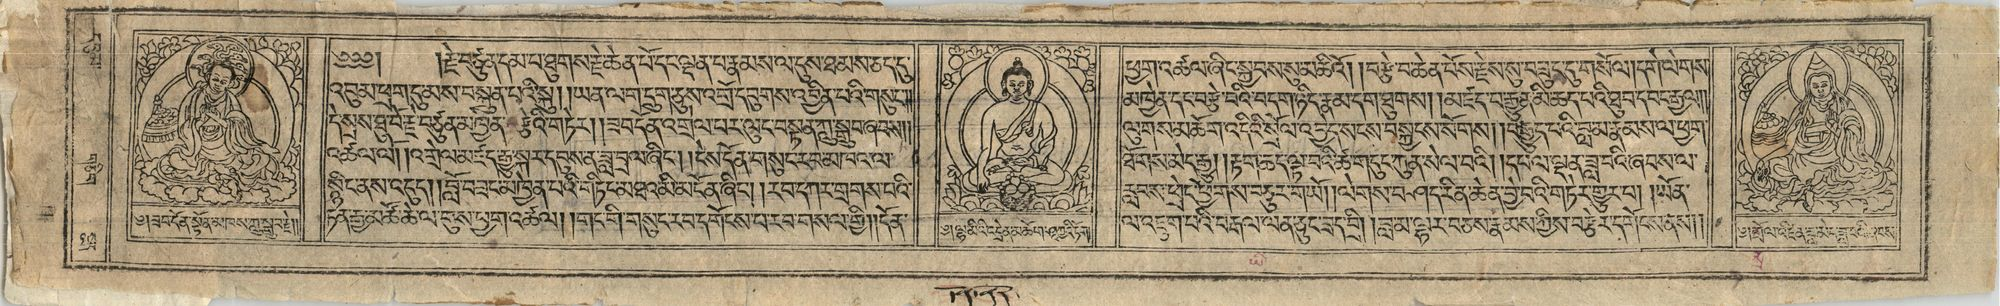༄༅༅། །རྗེ་བཙུན་དམ་པ་ཐུགས་རྗེ་ཆེན་པོ་དང་ལྡན་པ་རྣམས་ལ་དུས་ཐམས་ཅད་དུ་
འབུམ་ཕྲག་དུ་མས་བསྐྲུན་པའི་སྐུ། །ཡན་ལག་དྲུག་ཅུས་འགྲོ་དབུགས་འབྱིན་པའི་གསུང་། །མཁྱེན་དང་བརྩེ་བའི་བདག་ཉིད་རྣམ་དག་ཐུགས། །མཛད་བ་རྒྱུན་མི་ཆད་པའི་ཐུབ་དབང་རྒྱལ། །
དེ་སྲས་ཐུ་བོ་རྗེ་བཙུན་མཁྱེན་བརྩེའི་གཏེར། །ཟབ་དོན་འགྲེལ་པར་ལུང་བསྟན་ཀླུ་སྒྲུབ་ཞབས། །ལུགས་མཆོག་འདི་ཡི་སྲོལ་འབྱེད་སངས་བསྐྱངས་སོགས། །བརྒྱུད་པའི་བླ་མ་རྣམས་ལ་ཕྱག་
འཚལ་ལོ། །འགྲེལ་མཛད་རྒྱུ་སྐར་དབུས་ན་ཟླ་བྲལ་ཞིང་། །ངེས་དོན་གསུང་རབ་མཁའ་ལ་ཐོགས་མེད་རྒྱུ། །རྟག་ཆད་ལྟ་བའི་ཚ་གདུང་ཀུན་སེལ་བའི། །དཔལ་ལྡན་ཟླ་བའི་ཞབས་ལ་
སྙིང་ནས་འདུད། །བློ་བཟང་མཁྱེན་པའི་གཏིང་མཐའ་མི་མངོན་ཞིང་། །རབ་དཀར་གྲགས་པའི་རླབས་ཕྲེང་ཕྱོགས་བཅུར་གཡོ། །ལེགས་བཤད་རིན་ཆེན་བྱེ་བའི་གཏེར་གྱུར་པ། །ཡོན་
ཏན་རྒྱ་མཚོ་ཆེ་ལ་གུས་ཕྱག་འཚལ། །གང་གི་གསུང་རབ་དགོངས་པ་རབ་གསལ་གྱི། །དོན་ལ་འཇུག་པའི་བརྒལ་ལན་ཅུང་ཟད་བྲི། །བླ་མ་ལྷར་བཅས་རྣམས་ཀྱིས་བརྩེར་དགོངས་ནས། །